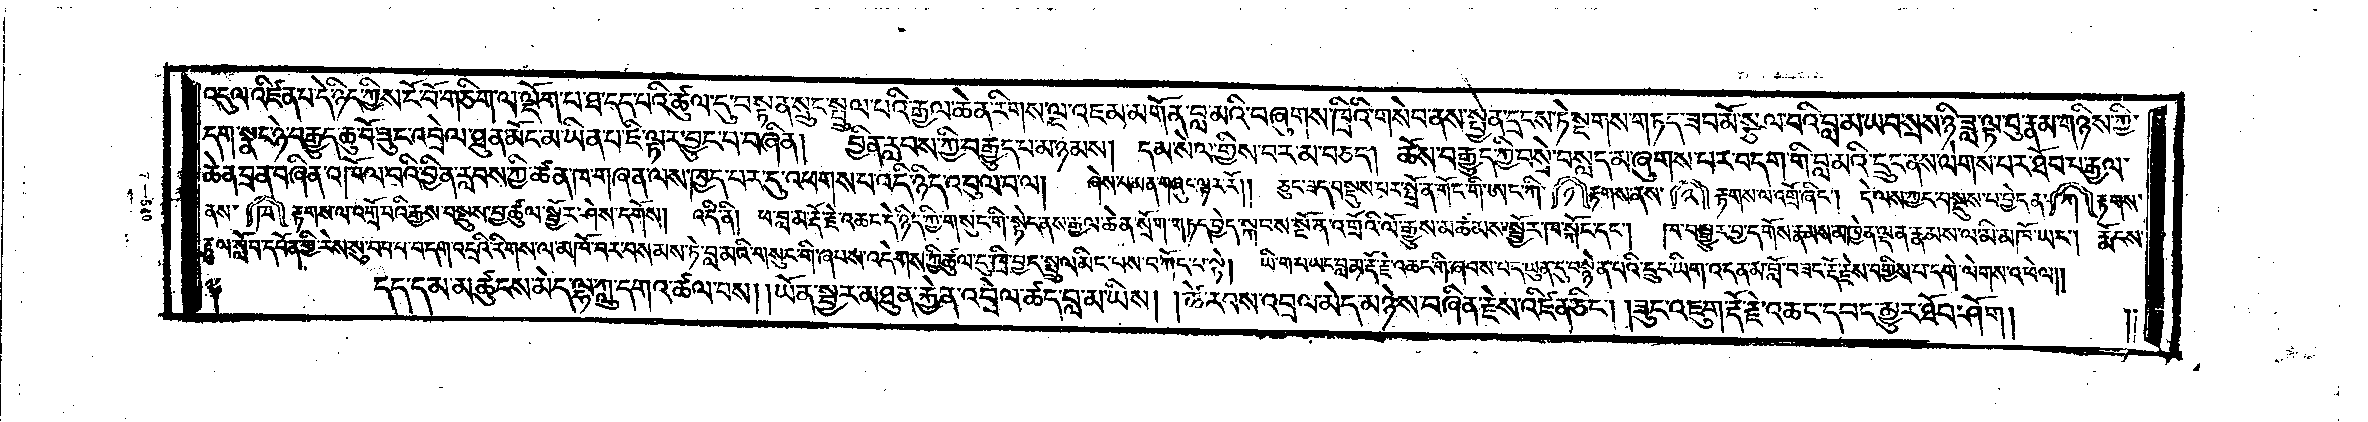འདུལ་འཛིན་པ་དེ་ཉིད་ཀྱིས་ངོ་བོ་གཅིག་ལ་ལྡོག་པ་ཐ་དད་པའི་ཚུལ་དུ་བསྟན་སྲུང་སྤྲུལ་པའི་རྒྱལ་ཆེན་རིགས་ལྔ་འཇམ་མགོན་བླ་མའི་བཞུགས་ཁྲིའི་གསེབ་ནས་སྤྱན་དྲངས་ཏེ་སྔགས་གཏད་ཟབ་མོ་སྩལ་བའི་བླ་མ་ཡབ་སྲས་ཉི་ཟླ་ལྟ་བུ་རྣམ་གཉིས་ཀྱི་
དག་སྣང་ཉེ་བརྒྱུད་ཆུ་བོ་ཟུང་འབྲེལ་ཐུན་མོང་མ་ཡིན་པ་ཇི་ལྟར་བྱུང་བ་བཞིན། བྱིན་རླབས་ཀྱི་བརྒྱུད་པ་མ་ཉམས། དམ་སེལ་གྱིས་བར་མ་བཅད། ཆོས་བརྒྱུད་ཀྱི་བསྲེ་བསླད་མ་ཞུགས་པར་བདག་གི་བླ་མའི་དྲུང་ནས་ལེགས་པར་ཐོབ་པ་རྒྱལ་
ཆེན་བྲན་བཞིན་འཁོལ་བའི་བྱིན་རླབས་ཀྱི་ཚན་ཁ་གཞན་ལས་ཁྱད་པར་དུ་འཕགས་པ་འདི་ཉིད་འབུལ་བ་ལ། ཞེས་པ་མན་གཞུང་ལྟར་རོ། ཅུང་ཟད་བསྡུས་པར་སྤྲོན་གོང་གི་ཨང་ཀི ༼༽༡༼༽ རྟགས་ནས ༼༽༢༼༽ རྟགས་ལ་འགྲོ་ཞིང་། དེ་ལས་ཀྱང་བསྡུས་པ་བྱེད་ན ༼༽ཀ༼༽ རྟགས་
ནས ༼༽ཁ༼༽ རྟགས་ལ་འགྲོ་བའི་རྒྱས་བསྡུས་བྱ་ཚུལ་སྦྱོར་ཤེས་དགོས། འདི་ནི། ཕ་བླ་མ་རྡོ་རྗེ་འཆང་དེ་ཉིད་ཀྱི་གསུང་གི་སྟེང་ནས་རྒྱལ་ཆེན་སྲོག་གཏད་བྱེད་སྐབས་སྔོན་འགྲོའི་ལོ་རྒྱུས་མཚམས་སྦྱོར་ཁ་སྐོང་དང་། ཁ་བསྒྱུར་བྱ་དགོས་རྣམས་མཁྱེན་ལྡན་རྣམས་ལ་མི་མཁོ་ཡང་། རྨོངས་
རྟུལ་སློབ་དཔོན་གྱི་རེས་སུ་བབ་བ་བདག་འདྲའི་རིགས་ལ་མཁོ་བར་བསམས་ཏེ་བླ་མའི་གསུང་གི་ཞབས་འདེགས་ཀྱི་ཚུལ་དུ་ཁྲི་བྱང་སྦྲུལ་མིང་པས་བཀོད་པ་སྟེ། ཡི་གེ་པ་ཡང་བླ་མ་རྡོ་རྗེ་འཆང་གི་ཞབས་པད་ཡུན་དུ་བསྙེན་པའི་དྲུང་ཡིག་འདན་མ་བློ་བཟང་རྡོ་རྗེས་བགྱིས་པ་དགེ་ལེགས་འཕེལ།།
༈ དད་དམ་མཚུངས་མེད་ལྷ་ཀླུ་དགའ་ཚལ་བས། །ཡོན་སྦྱར་མཐུན་རྐྱེན་འྤེལ་ཚད་བླ་མ་ཡིས། །ཚེ་རབས་འབྲལ་མེད་མཉེས་བཞིན་རྗེས་འཛིན་ཅིང་། །ཟུང་འཇུག་རྡོ་རྗེ་འཆང་དབང་མྱུར་ཐོབ་ཤོག ། །།